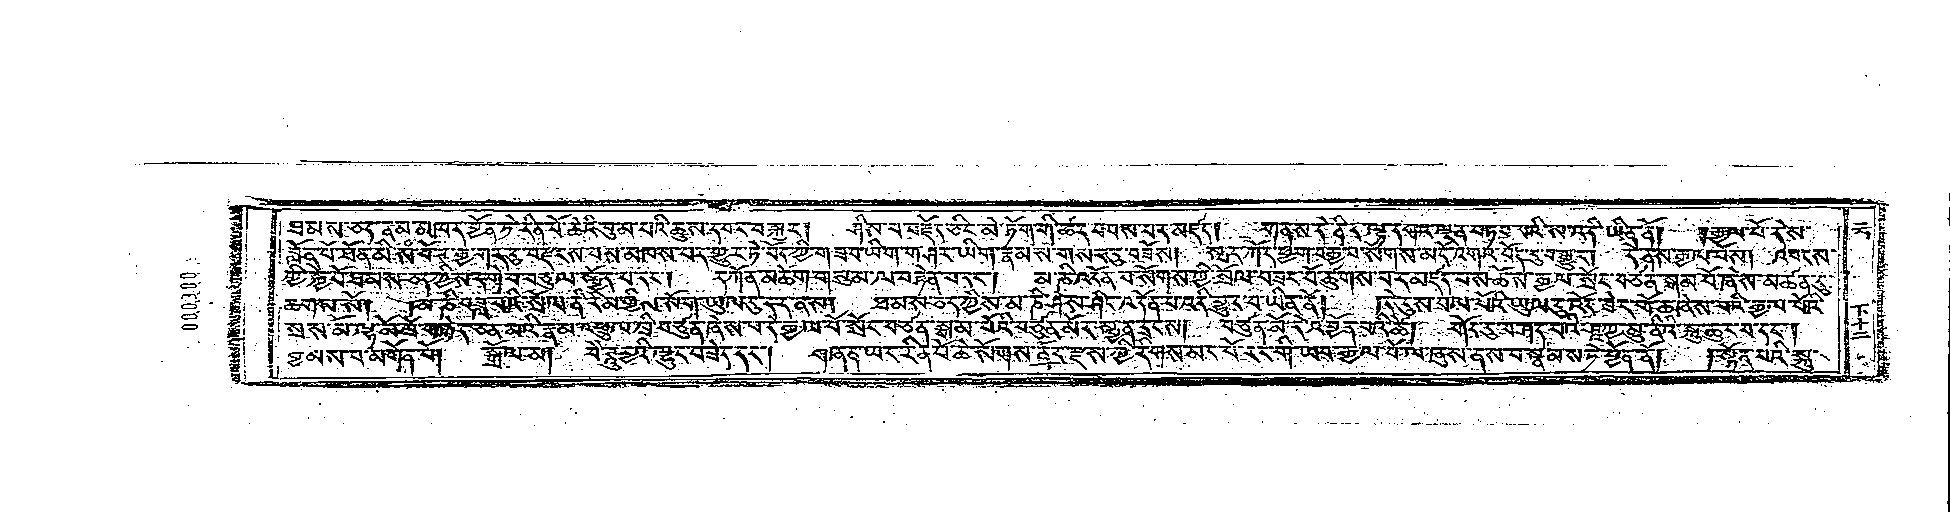ཐམས་ཅད་ནམ་མཁར་བྱོན་ཏེ་རིན་པོ་ཆེའི་བུམ་པའི་ཆུས་དབང་བསྐུར། ཤིས་པ་བརྗོད་ཅིང་མེ་ཏོག་གི་ཆར་བབས་པར་མཛད། གནས་དེ་ནི་ད་ལྟ་དའ་ལྡན་བཏབ་པའི་ས་འདི་ཡིན་ནོ། །རྒྱལ་པོ་དེས་
བློན་པོ་ཐོན་མི་སཾ་བོ་ཊ་རྒྱ་གར་དུ་བརྫངས་བས་མཁས་པར་གྱུར་ཏེ་བོད་ཀྱི་གཟབ་ཡིག་གཤར་ཡིག་རྣམས་གསར་དུ་བཟོས། སྤང་ཀོར་ཕྱག་བརྒྱ་པ་སོགས་མདོ་འགའ་བོད་དུ་བསྒྱུར། དེ་ནས་རྒྱལ་པོས། འབངས་
ཀྱི་སྐྱེ་བོ་ཐམས་ཅད་ཀྱིས་དགེ་བ་བཅུ་ལ་སྤྱོད་པ་དང་། དཀོན་མཆོག་གསུམ་ལ་བརྟེན་པ་དང་། མ་ཎི་འདོན་བ་སོགས་ཀྱི་སྲོལ་བཟང་པོ་ཚུགས་པར་མཛད་པས་ཆོས་རྒྱལ་སྲོང་བཙན་སྒམ་པོ་ཞེས་མཚན་དུ་
ཆགས་སོ། །མ་ཎི་བཟླ་བའི་སྲོལ་ནི་རིམ་གྱིས་སོག་ཡུལ་དུ་དར་ནས། ཐམས་ཅད་ཀྱིས་མ་ཎི་ཤེས་ཤིང་འདོན་པ་འདི་བྱུང་བ་ཡིན་ནོ། །དེ་དུས་བལ་པོའི་ཡུལ་དུ་འོང་ཟེར་གོ་ཆ་ཞེས་བའི་རྒྱལ་པོའི་
སྲས་མོ་ལྷ་མོ་ཁྲོ་གཉེར་ཅན་མའི་རྣམ་འཕྲུལ་ཁྲི་བཙུན་ཞེས་པ་དེ་རྒྱལ་པོ་སྲོང་བཙན་སྒམ་པའི་བཙུན་མོར་སྤྱན་དྲངས། བཙུན་མོ་དེ་འབྱོན་པའི་ཚེ། གོང་དུ་བ་ཤད་པའི་ཤཱཀྱ་མུ་ནིའི་སྐུ་ཆུང་བ་དང་།
བྱམས་པ་མགོན་པོ། སྒྲོལ་མ། བཻ་ཌཱུརྱའི་ལྷུང་བ་ཟེད་དང་། གཞན་ཡང་རིན་པོ་ཆེ་སོགས་ནོར་རྫས་ཀྱི་རིགས་མང་པོ་རང་གི་ཡབ་རྒྱལ་པོ་ལ་ཞུས་ནས་བསྣམས་ཏེ་བྱོན་ནོ། །སྟོན་པའི་སྐུ་